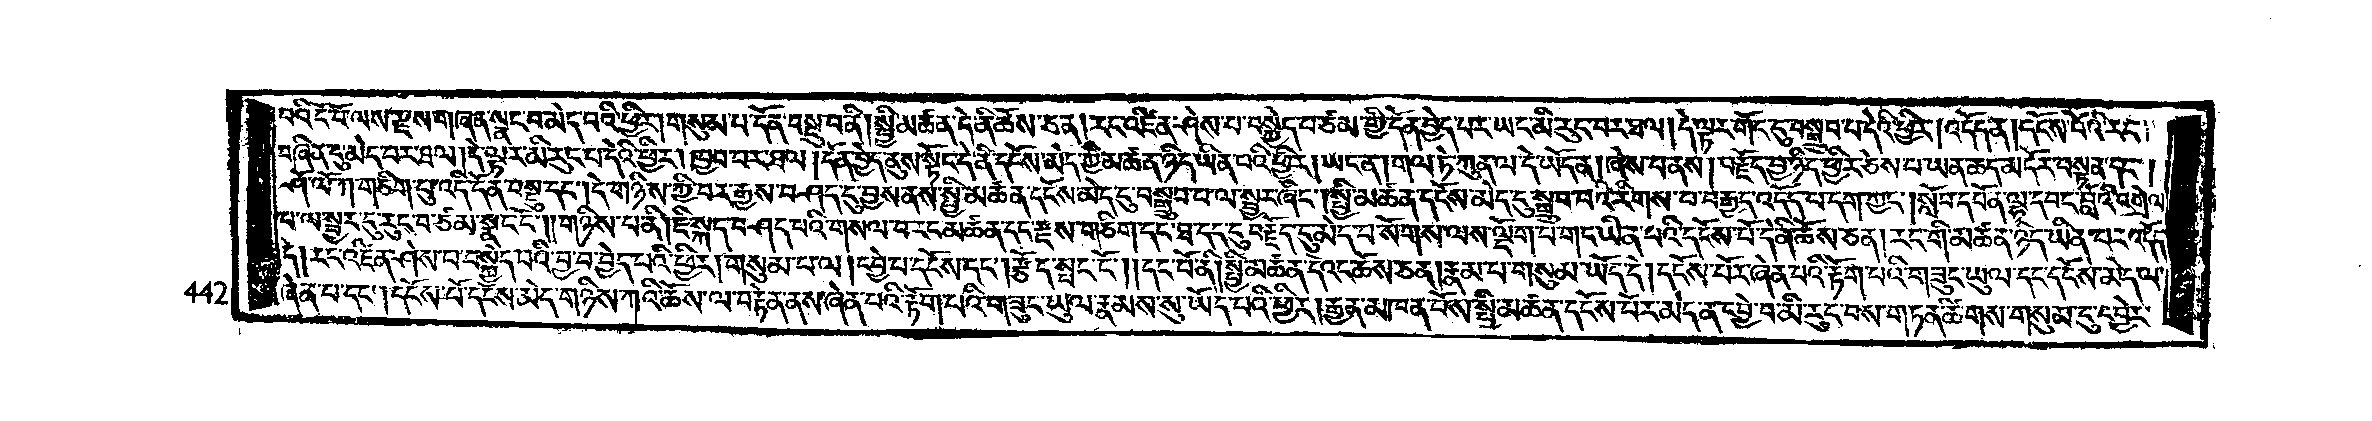བའི་ངོ་བོ་ལས་རྫས་གཞན་སྣང་བ་མེད་པའི་ཕྱིར། གསུམ་པ་དོན་བསྡུ་བ་ནི། སྤྱི་མཚན་དེ་ནི་ཆོས་ཅན། རང་འཛིན་ཤེས་པ་བསྐྱེད་པ་ཙམ་གྱི་དོན་བྱེད་པར་ཡང་མི་རུང་བར་ཐལ། དེ་ལྟར་གོང་དུ་བསྒྲུབ་པ་དེའི་ཕྱིར། འདོད་ན། དངོས་པོའི་རང་
བཞིན་དུ་མེད་པར་ཐལ། དེ་ལྟར་མི་རུང་པ་དེའི་ཕྱིར། ཁྱབ་པར་ཐལ། དོན་བྱེད་ནུས་སྟོང་དེ་ནི་དངོས་མེད་ཀྱི་མཚན་ཉིད་ཡིན་པའི་ཕྱིར། ཡང་ན། གལ་ཏེ་ཀུན་ལ་དེ་ཡོད་ན། ཞེས་པ་ནས། བརྗོད་བྱ་ཉིད་ཕྱིར་ཅེས་པ་ཡན་ཆད་མདོར་བསྟན་དང་།
ཤོ་ལོ་ཀ་གཅིག་པུ་འདི་དོན་བསྡུ་དང་། དེ་གཉིས་ཀྱི་བར་རྒྱས་བཤད་དུ་བྱས་ནས་སྤྱི་མཚན་དངོས་མེད་དུ་བསྒྲུབ་པ་ལ་སྦྱར་ཞིང་། སྤྱི་མཚན་དངོས་མེད་དུ་སྒྲུབ་པའི་རིགས་པ་བརྒྱད་འདོད་པ་དག་ཀྱང་། སློབ་དཔོན་ལྷ་དབང་བློའི་འགྲེལ་
པ་ལ་སྦྱར་དུ་རུང་བ་ཙམ་སྣང་ངོ། །གཉིས་པ་ནི། ཇི་སྐད་བཤད་པའི་གསལ་བ་རང་མཚན་དང་རྫས་གཅིག་དང་ཐ་དད་དུ་བརྗོད་དུ་མེད་པ་སོགས་ལས་ལྡོག་པ་གང་ཡིན་པའི་དངོས་པོ་དེ་ནི་ཆོས་ཅན། རང་གི་མཚན་ཉིད་ཡིན་པར་འདོད་
དེ། རང་འཛིན་ཤེས་པ་བསྐྱེད་པའི་བྱ་བ་བྱེད་པའི་ཕྱིར། གསུམ་པ་ལ། དབྱེ་བ་དངོས་དང་། རྩོད་སྤང་ངོ། །དང་པོ་ནི། སྤྱི་མཚན་དེའང་ཆོས་ཅན། རྣམ་པ་གསུམ་ཡོད་དེ། དངོས་པོར་ཞེན་པའི་རྟོག་པའི་གཟུང་ཡུལ་དང་དངོས་མེད་ལ་
ཞེན་པ་དང་། དངོས་པོ་དངོས་མེད་གཉིས་ཀའི་ཆོས་ལ་བརྟེན་ནས་ཞེན་པའི་རྟོག་པའི་གཟུང་ཡུལ་རྣམས་སུ་ཡོད་པའི་ཕྱིར། རྒྱན་མཁན་པོས་སྤྱི་མཚན་དངོས་པོར་མེད་ན་དབྱེ་བ་མི་རུང་བས་གཏན་ཚིགས་གསུམ་དུ་དབྱེར་